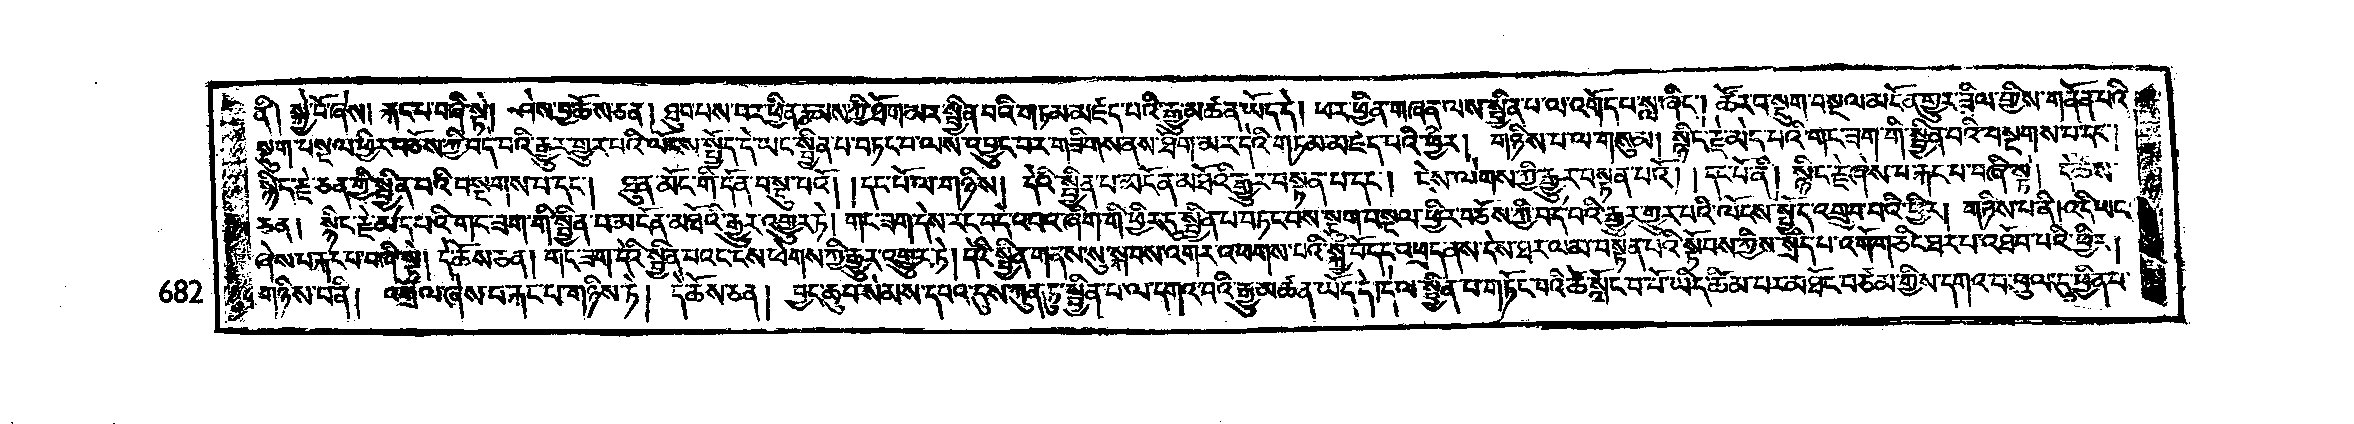ནི། སྐྱེ་བོ་ཞེས། རྐང་པ་བཞི་སྟེ། ཤེས་བྱ་ཆོས་ཅན། ཐུབ་པས་ཕར་ཕྱིན་རྣམས་ཀྱི་ཐོག་མར་སྦྱིན་པའི་གཏམ་མཛད་པའི་རྒྱུ་མཚན་ཡོད་དེ། ཕར་ཕྱིན་གཞན་ལས་སྦྱིན་པ་ལ་འགོད་པ་སླ་ཞིང་། ཚོར་བ་སྡུག་བསྔལ་མངོན་གྱུར་ཟིལ་གྱིས་གནོན་པའི་
སྡུག་བསྔལ་ཕྱིར་བཅོས་ཀྱི་བདེ་བའི་རྒྱུར་གྱུར་པའི་ལོངས་སྤྱོད་དེ་ཡང་སྦྱིན་པ་བཏང་བ་ལས་འབྱུང་བར་གཟིགས་ནས་ཐོག་མར་དེའི་གཏམ་མཛད་པའི་ཕྱིར། གཉིས་པ་ལ་གསུམ། སྙིང་རྗེ་མེད་པའི་གང་ཟག་གི་སྦྱིན་པའི་བསྔགས་པ་དང་།
སྙིང་རྗེ་ཅན་གྱི་སྦྱིན་པའི་བསྔགས་པ་དང་། ཐུན་མོང་གི་དོན་བསྡུ་བའོ། །དང་པོ་ལ་གཉིས། དེའི་སྦྱིན་པ་མངོན་མཐོའི་རྒྱུར་བསྟན་པ་དང་། དེས་ལེགས་ཀྱི་རྒྱུར་བསྟན་པའོ། །དང་པོ་ནི། སྙིང་རྗེ་ཞེས་པ་རྐང་པ་བཞི་སྟེ། དེ་ཆོས་
ཅན། སྙིང་རྗེ་མེད་པའི་གང་ཟག་གི་སྦྱིན་པ་མངོན་མཐོའི་རྒྱུར་འགྱུར་ཏེ། གང་ཟག་དེས་རང་བདེ་འབའ་ཞིག་གི་ཕྱིར་དུ་སྦྱིན་པ་བཏང་བས་སྡུག་བསྔལ་ཕྱིར་བཅོས་ཀྱི་བདེ་བའི་རྒྱུར་གྱུར་པའི་ལོངས་སྤྱོད་འགྲུབ་པའི་ཕྱིར། གཉིས་པ་ནི། འདི་ཡང་
ཞེས་པ་རྐང་པ་བཞི་སྟེ། དེ་ཆོས་ཅན། གང་ཟག་དེའི་སྦྱིན་པའང་ངེས་ཕེགས་ཀྱི་རྒྱུར་འགྱུར་ཏེ། དེའི་སྦྱིན་གནས་སུ་སྐབས་འགར་འཕགས་པའི་སྐྱེ་བོ་དང་འཕྲད་ནས་དེས་ཐར་ལམ་བསྟན་པའི་སྟོབས་ཀྱིས་སྲིད་པ་འགོག་ཅིང་ཐར་པ་འཐོབ་པའི་ཕྱིར།
གཉིས་པ་ནི། འགྲོ་ལ་ཞེས་པ་རྐང་པ་གཉིས་ཏེ། དེ་ཆོས་ཅན། བྱང་ཆུབ་སེམས་དཔའ་དུས་ཀུན་ཏུ་སྦྱིན་པ་ལ་དགའ་བའི་རྒྱུ་མཚན་ཡོད་དེ། དེ་ལ་སྦྱིན་པ་གཏོང་བའི་ཚེ་སློང་བ་པོ་ཡིད་ཚིམ་པར་མཐོང་བ་ཙམ་གྱིས་དགའ་བ་ཕུལ་དུ་ཕྱིན་པ་